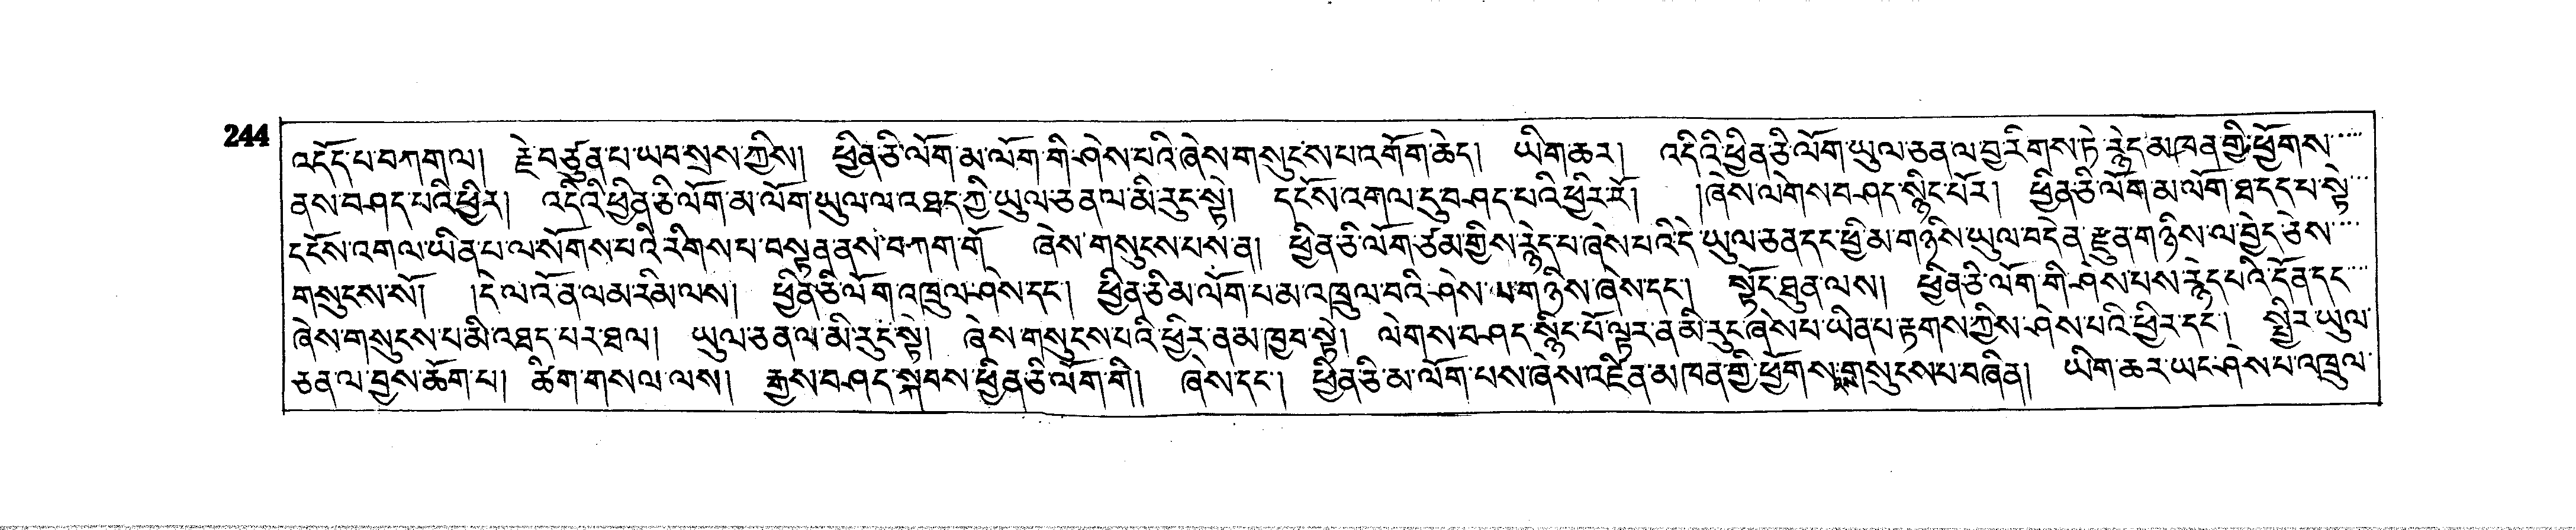འདོད་པ་བཀག་ལ། རྗེ་བཙུན་པ་ཡབ་སྲས་ཀྱིས། ཕྱིན་ཅི་ལོག་མ་ལོག་གི་ཤེས་པའི་ཞེས་གསུངས་པ་འགོག་ཆེད། ཡིག་ཆར། འདིའི་ཕྱིན་ཅི་ལོག་ཡུལ་ཅན་ལ་བྱ་རིགས་ཏེ་རྙེད་མཁན་གྱི་ཕྱོགས་
ནས་བཤད་པའི་ཕྱིར། འདིའི་ཕྱིན་ཅི་ལོག་མ་ལོག་ཡུལ་ལ་འཐད་ཀྱི་ཡུལ་ཅན་ལ་མི་རུང་སྟེ། དངོས་འགལ་དུ་བཤད་པའི་ཕྱིར་རོ། །ཞེས་ལེགས་བཤད་སྙིང་པོར། ཕྱིན་ཅི་ལོག་མ་ལོག་ཐ་དད་པ་སྟེ་
དངོས་འགལ་ཡིན་པ་ལ་སོགས་པའི་རིགས་པ་བསྟན་ནས་བཀག་གོ་ཞེས་གསུངས་པས་ན། ཕྱིན་ཅི་ལོག་ཙམ་གྱིས་རྙེད་པ་ཞེས་པའི་དེ་ཡུལ་ཅན་དང་ཕྱི་མ་གཉིས་ཡུལ་བདེན་རྫུན་གཉིས་ལ་བྱེད་ཅེས་
གསུངས་སོ། །དེ་ལ་འོ་ན་ལམ་རིམ་ལས། ཕྱིན་ཅི་ལོག་འཁྲུལ་ཤེས་དང་། ཕྱིན་ཅི་མ་ལོག་པ་མ་འཁྲུལ་བའི་ཤེས་པ་གཉིས་ཞེས་དང་། སྟོང་ཐུན་ལས། ཕྱིན་ཅི་ལོག་གི་ཤེས་པས་རྙེད་པའི་དོན་དང་
ཞེས་གསུངས་པ་མི་འཐད་པར་ཐལ། ཡུལ་ཅན་ལ་མི་རུང་སྟེ། ཞེས་གསུངས་པའི་ཕྱིར་ན་མ་ཁྱབ་སྟེ། ལེགས་བཤད་སྙིང་པོ་ལྟར་ན་མི་རུང་ཞེས་པ་ཡིན་པ་རྟགས་ཀྱིས་ཤེས་པའི་ཕྱིར་དང་། སྤྱིར་ཡུལ་
ཅན་ལ་བྱས་ཆོག་པ། ཚིག་གསལ་ལས། རྒྱས་བཤད་སྐབས་ཕྱིན་ཅི་ལོག་གི། ཞེས་དང་། ཕྱིན་ཅི་མ་ལོག་པས་ཞེས་འཛིན་མཁན་གྱི་ཕྱོགས་ནས་གསུངས་པ་བཞིན། ཡིག་ཆར་ཡང་ཤེས་པ་འཁྲུལ་